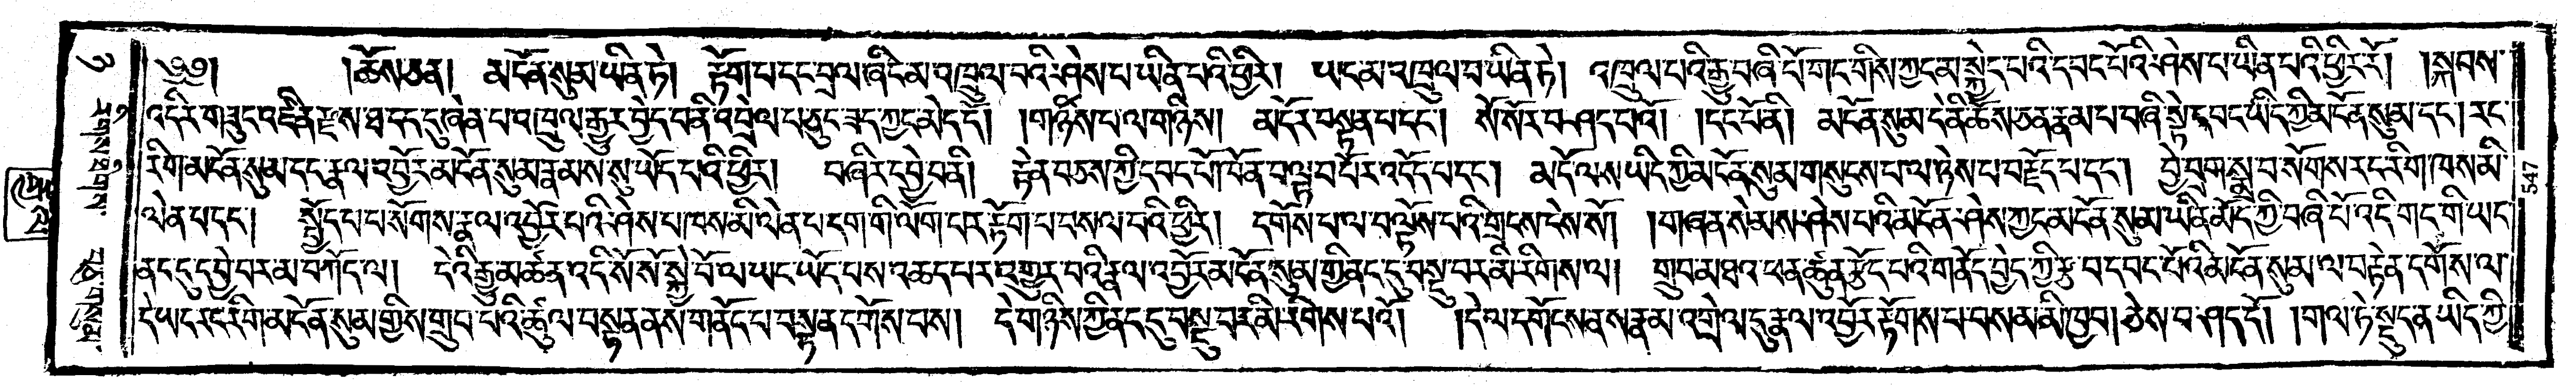༄༅། །ཆོས་ཅན། མངོན་སུམ་ཡིན་ཏེ། རྟོག་པ་དང་བྲལ་ཞིང་མ་འཁྲུལ་བའི་ཤེས་པ་ཡིན་པའི་ཕྱིར། ཡང་མ་འཁྲུལ་བ་ཡིན་ཏེ། འཁྲུལ་པའི་རྒྱུ་བཞི་པོ་གང་གིས་ཀྱང་མ་སྐྱེད་པའི་དབང་པོའི་ཤེས་པ་ཡིན་པའི་ཕྱིར་རོ། །སྐབས་
འདིར་གཟུང་འཛིན་རྫས་ཐ་དད་དུ་ཞེན་པ་འཁྲུལ་རྒྱུར་བྱེད་བ་ནི་འབྲེལ་པ་ཅུང་ཟད་ཀྱང་མེད་དོ། །གཉིས་པ་ལ་གཉིས། མདོར་བསྟན་པ་དང་། སོ་སོར་བཤད་པའོ། །དང་པོ་ནི། མངོན་སུམ་དེ་ནི་ཆོས་ཅན་རྣམ་པ་བཞི་སྟེ་དབང་ཡིད་ཀྱི་མངོན་སུམ་དང་། རང་
རིག་མངོན་སུམ་དང་རྣལ་འབྱོར་མངོན་སུམ་རྣམས་སུ་ཡོད་པའི་ཕྱིར། བཞིར་དབྱེ་བ་ནི། རྟེན་བཅས་ཀྱི་དབང་པོ་ཁོན་བལྟབ་པོར་འདོད་པ་དང་། མདོ་ལས་ཡིད་ཀྱི་མངོན་སུམ་གསུངས་པ་ལ་ཉེས་པ་བརྗོད་པ་དང་། བྱེ་བྲག་སྨྲ་བ་སོགས་རང་རིག་ཁས་མི་
ལེན་པ་དང་། སྤྱོད་པ་པ་སོགས་རྣལ་འབྱོར་བའི་ཤེས་པ་ཁས་མི་ལེན་པ་དག་གི་ལོག་པར་རྟོག་པ་བསལ་བའི་ཕྱིར། དགོས་པ་ལ་བལྟོས་པའི་གྲངས་ངེས་སོ། །གཞན་སེམས་ཤེས་པའི་མངོན་ཤེས་ཀྱང་མངོན་སུམ་ཡིན་མོད་ཀྱི་བཞི་པོ་འདི་གང་གི་ཡང་
ནང་དུ་དབྱེ་བར་མ་བཀོད་ལ། དེའི་རྒྱུ་མཚན་འདི་སོ་སོ་སྐྱེ་བོ་ལ་ཡང་ཡོད་པས་འཆད་པར་འགྱུར་བའི་རྣལ་འབྱོར་མངོན་སུམ་གྱི་ནང་དུ་བསྡུ་བར་མི་རིགས་ལ། གྲུབ་མཐའ་ཕན་ཚུན་རྩོད་པའི་གནོད་བྱེད་ཀྱི་རྩ་བ་དབང་པོའི་མངོན་སུམ་ལ་བརྟེན་དགོས་ལ་
དེ་ཡང་རང་རིག་མངོན་སུམ་གྱིས་གྲུབ་པའི་ཚུལ་བསྟན་ནས་གནོད་པ་བསྟན་དགོས་པས། དེ་གཉིས་ཀྱི་ནང་དུ་བསྡུ་བར་མི་རིགས་པའོ། །དེ་ལ་དགོངས་ནས་རྣམ་འགྲེལ་དུ་རྣལ་འབྱོར་རྟོགས་པ་བསམ་མི་ཁྱབ། ཅེས་བཤད་དོ། །གལ་ཏེ་སྡུད་ན་ཡིད་ཀྱི་